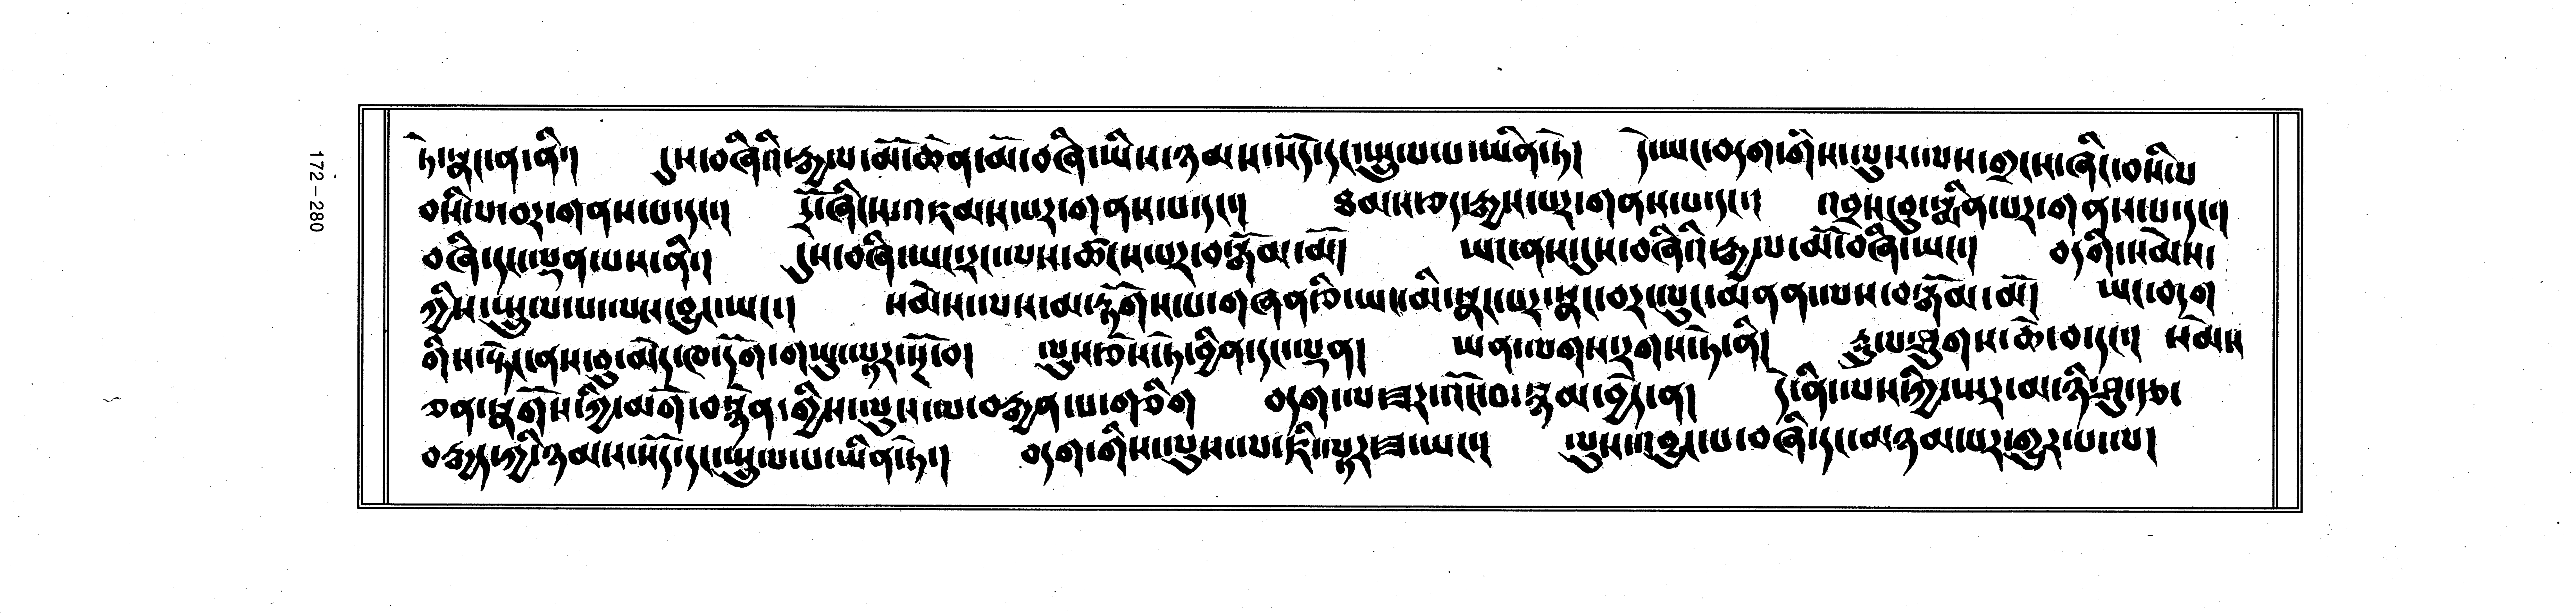ཏེ་སྣང་ན་ནི། དུས་བཞིའི་རྒྱལ་མོ་ཆེན་མོ་བཞི་ཡིས་ཉམས་སོད་དང་སྤྲུལ་པ་ཡིན་ཏེ། དེ་ཡང་བདག་གིས་ལུས་ལས་གྲངས་ཞིང་བསིལ་
བར་གནས་པ་དང་། དྲོ་ཞིང་འཇམས་པར་གནས་པ་དང་། ཐམས་ཅད་རྒྱས་པར་གནས་པ་དང་། འབྲས་བུ་སྨིན་པར་གནས་པ་དང་། 
བཞི་དང་ལྡན་པས་ནི། དུས་བཞི་ཡང་རང་ལས་ཚངས་པར་བསྒོམ་མོ། ཡང་ནས་དུས་བཞིའི་རྒྱལ་མོ་བཞི་ཡང་། བདག་གིས་སེམས་
ཀྱིས་སྤྲུལ་པ་ལས་བྱུང་ཡང་། སེམས་ལས་མ་རྟོགས་པ་གཞན་ཅི་ཡང་མི་སྣང་པར་སྣང་བར་ལུང་མནན་ལས་བསྒོམ་མོ། ཡང་བདག་
གིས་སྟེང་ནས་བུ་མེད་ཁ་དོག་གཡུ་ལྟར་སྔོ་བ། ལུས་ཅེས་ཏེ་བྱིན་དང་ལྡན། ཡན་ལག་རགས་ཏེ་ནི། རྡུལ་ཤུགས་ཆེ་བ་དང་། སེམས་
ཅན་སྣ་ཚོགས་ཀྱིས་མགོ་བསྙེན་གྱིས་ལུས་ལ་བརྒྱན་པ་གཅིག བདག་ལ་ཟར་འོང་བ་སྙམ་བྱེད་ན། དེ་ནི་ལས་ཀྱི་སྤར་མ་ཉི་ཤུ་རྩ་
བརྒྱད་ཀྱི་ཉམས་སོད་དང་སྤྲུལ་པ་ཡིན་ཏེ། བདག་གིས་ལུས་ལ་ཇི་ལྟར་ཟ་ཡང་། ལུས་འབྱུང་པ་བཞི་དང་མཉམ་པར་གྱུར་པ་ལ།